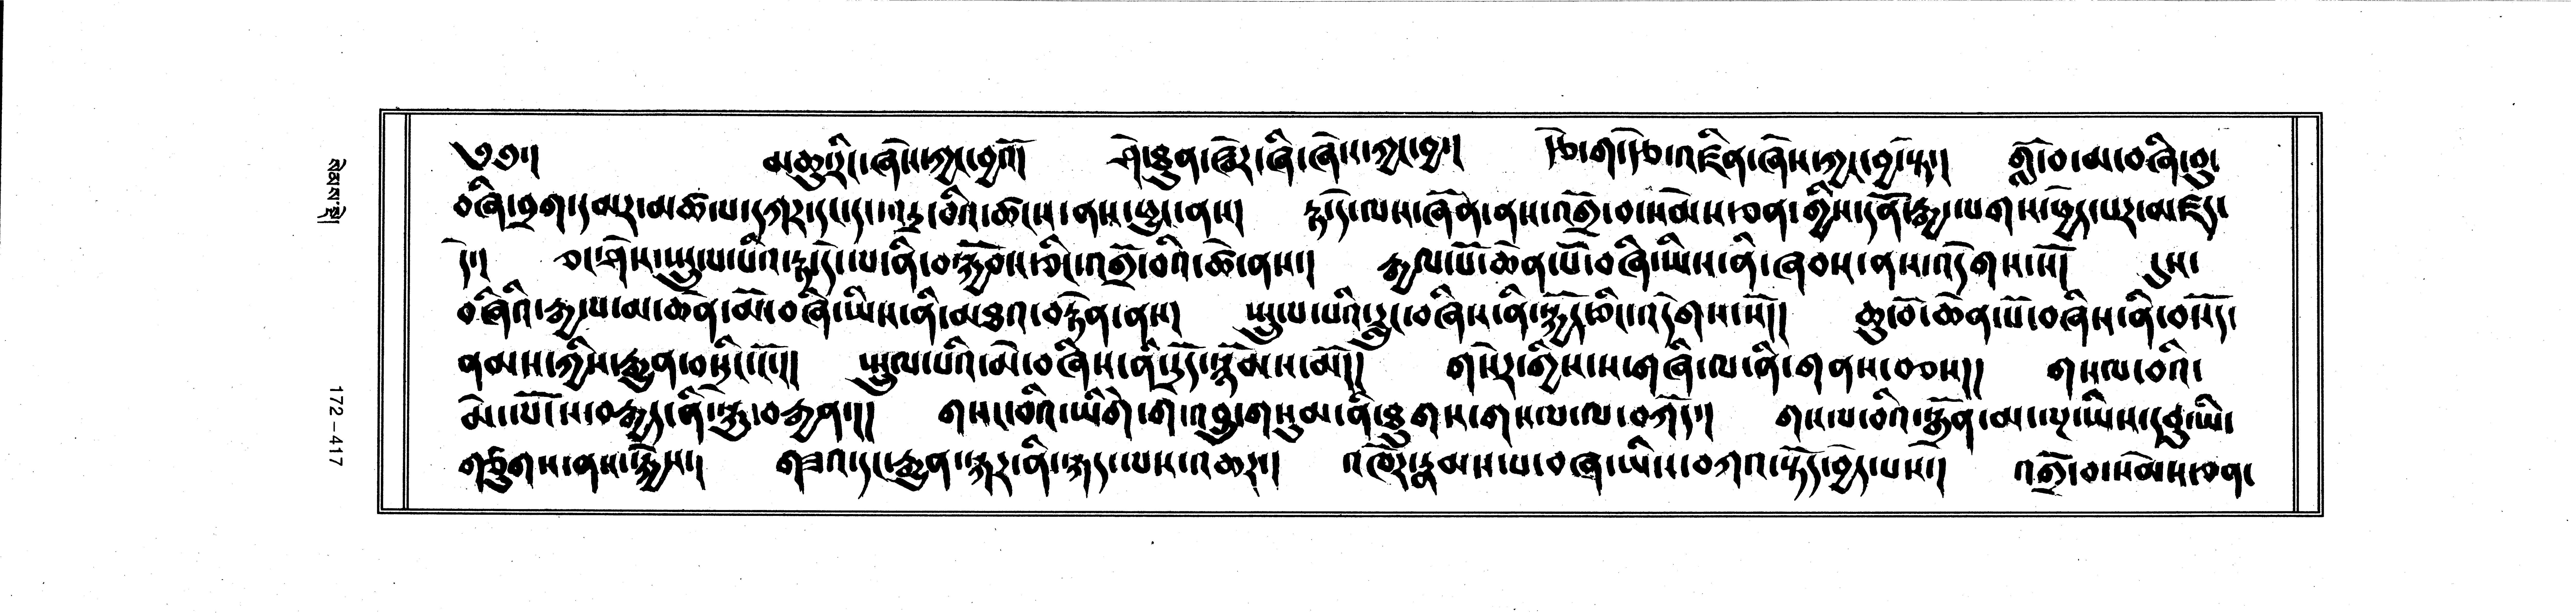མཆུ་རིང་ཞེས་ཀྱང་བྱའོ། ཤེ་ཐུན་ཝེར་ཞི་ཞེས་ཀྱང་བྱ། རྩེ་ག་རྩེ་འཛིན་ཞེས་ཀྱང་བྱ་སྟེ། གློ་བ་མ་བཞི་དུ་
བཞི་བྲག་དམར་མཚལ་དཀར་དང་འདྲ་བའི་ཚངས་ནས་ཕྱུང་ནས། རྟ་དེ་ལས་ཞོན་ནས་འགྲོ་བ་སེམས་ཅན་གྱིས་དོན་རྒྱ་ལགས་ཕྱེད་པར་མཛད་
དོ། ཅང་ཤེས་སྤྲུལ་པའི་རྟ་དེ་ལ་ནི་སྐྱོབས་ཅིང་འགྲོ་བའི་ཚེ་ནས། རྒྱལ་པོ་ཆེན་པོ་བཞི་ཡིས་ནི་ཞབས་ནས་འདེགས་སོ། དུས་
བཞིའི་རྒྱལ་མོ་ཆེན་མོ་བཞི་ཡིས་ནི་མཐའ་བརྟེན་ནས། སྤྲུལ་པའི་རླུང་བཞིས་ནི་སྐྱོད་ཅིང་འདེགས་སོ། ཆུ་བོ་ཆེན་པོ་བཞི་ནི་བསོད་
ནམས་ཀྱིས་རྒྱུན་བསྲིང་ངོ་། སྤྲུལ་པའི་མེ་བཞི་ནི་དྲོད་སྙོམས་མོ། གསེར་གྱིས་ས་གཞི་ལ་ནི་གནས་བཅས། གསལ་བའི་
མེ་ལོངས་བརྒྱད་ནི་སྐུ་བརྒྱན། གསང་བའི་ཡི་གེ་ག་འབྲུ་གསུམ་ནི་ཐུགས་གསལ་ལ་བཀོད། གསལ་བའི་སྒྲོན་མ་ལྔ་ཡིས་དབུ་ཡི་
གཙུགས་ནས་སྐྱེས། གཟའ་དང་རྒྱུན་སྐར་ནི་སྐད་ལས་འཆར། འཁོར་རྣམ་པ་བཞི་ཡིས་བཀའ་སྟོད་བྱེད་པས། འགྲོ་བ་སེམས་ཅན་